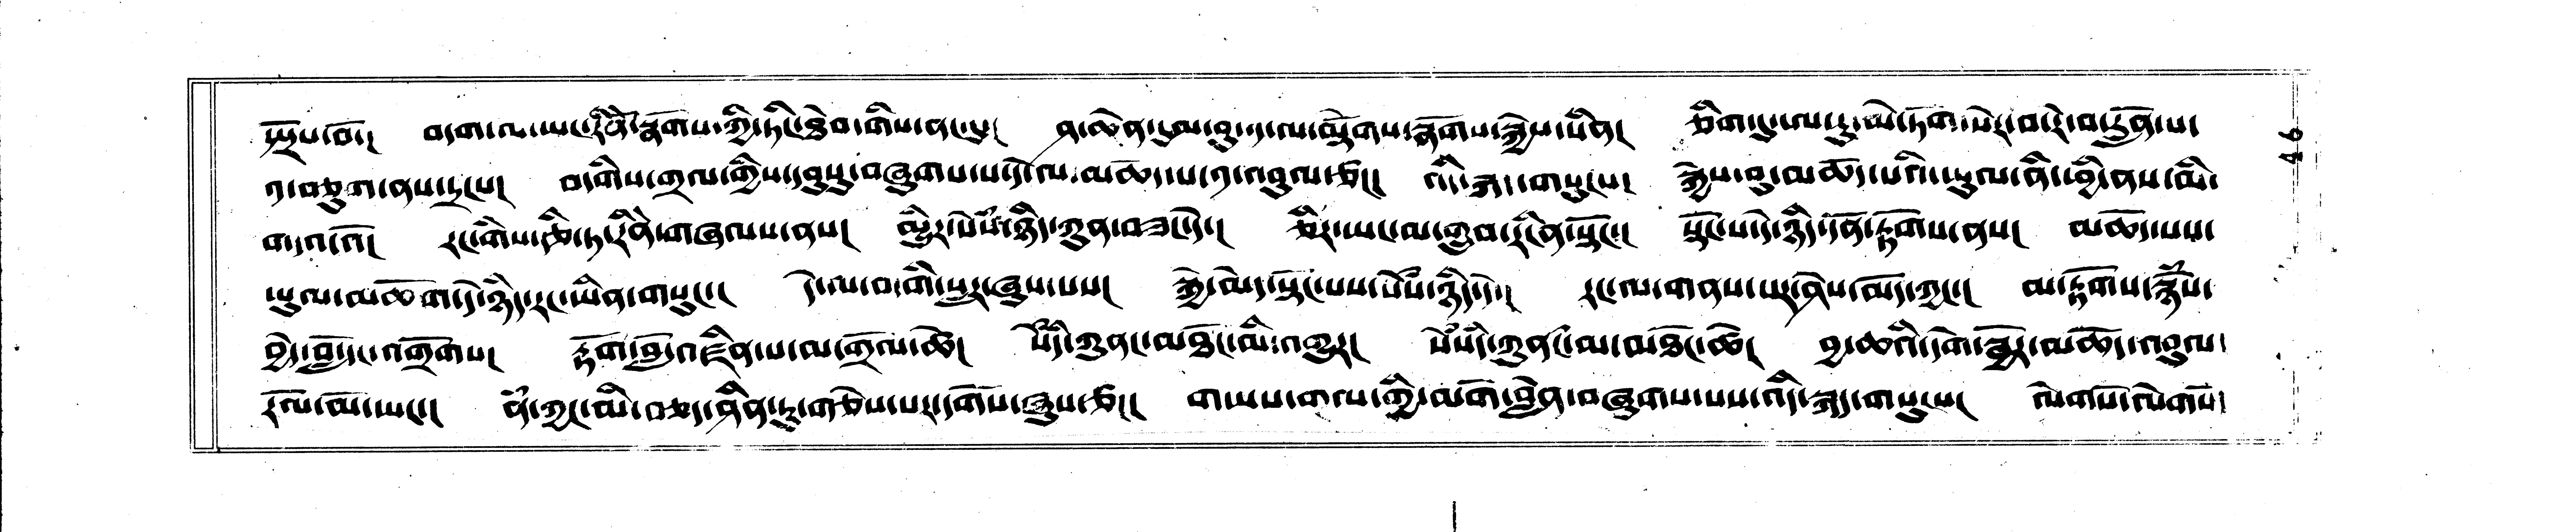སྤྲོས་སོ། བདག་ལ་ཡང་རིན་པོ་ཆེ་སྣ་ཚོགས་ཀྱི་ཏིང་ཐེབ་གིས་ནང་དུ། ཤ་ཆེན་དུམ་བུ་གཅིག་ལ་མེ་ཏོག་སྣ་ཚོགས་སྐྱེས་པའི། གཅིག་ཏུ་ཨ་རུ་མེ་ཏོག་སེར་བ་རེ་བ་རློན་པ་
གཅིག་བཅུག་ནས་དྲངས། བདག་གིས་གྲལ་གྱིས་དབུས་སུ་བཞུགས་པ་དེ་ལ་མཆོད་པ་གཅིག་འབུལ་ཙ། འདི་སྐད་གསུངས། སྐྱེས་བུ་མཆོད་པའི་ཡུལ་ནི་ཕྱི་ནས་མི་
གདའ་འོ། རང་གིས་རྩི་ཏ་རིན་ཆེན་གཞལ་ཡས་ནས། མི་འགྱུར་སེམས་ཉིད་ཀུན་བཟང་དེ། ཅིར་ཡང་མ་གྲུབ་རང་བཞིན་སྟོང་། སྟོང་པ་དེ་ཉིད་དོན་རྟོགས་ནས། མཆོད་པས་
ཡུལ་མཆོག་དེ་ཉིད་རང་ཡིན། གསུངས། དེ་ལ་བདག་གི་སླར་ཞུས་པས། སྐྱེ་མེད་སྟོང་པས་སེམས་ཉིད་དེ། རང་ལ་གནས་པར་ཤེས་མོད་ཀྱང་། མ་རྟོགས་སྙོམས་
བྱེད་བློ་དང་འགྲོགས། རྟོག་བློ་འཛིན་པ་མ་གྲོལ་ཚེ། སེམས་ཉིད་ཀུན་བཟང་མཐོང་མི་འགྱུར། སེམས་ཉིད་ཀུན་བཟང་མ་མཐོང་ཚེ། བྱ་ཆའི་དགེ་སྦྱོར་མཆོད་འབུལ་
རོལ་མོ་ཡང་། ནམ་ཀྱང་མི་བཅད་ཤིན་ཏུ་གཅེས་པར་དགོས་ཞུས་ཙ།། གཡས་གྲལ་གྱི་མགོ་བླ་ཆེན་བཞུགས་པས་འདི་སྐད་གསུངས། ལེགས་སོ་ལེགས་སོ་